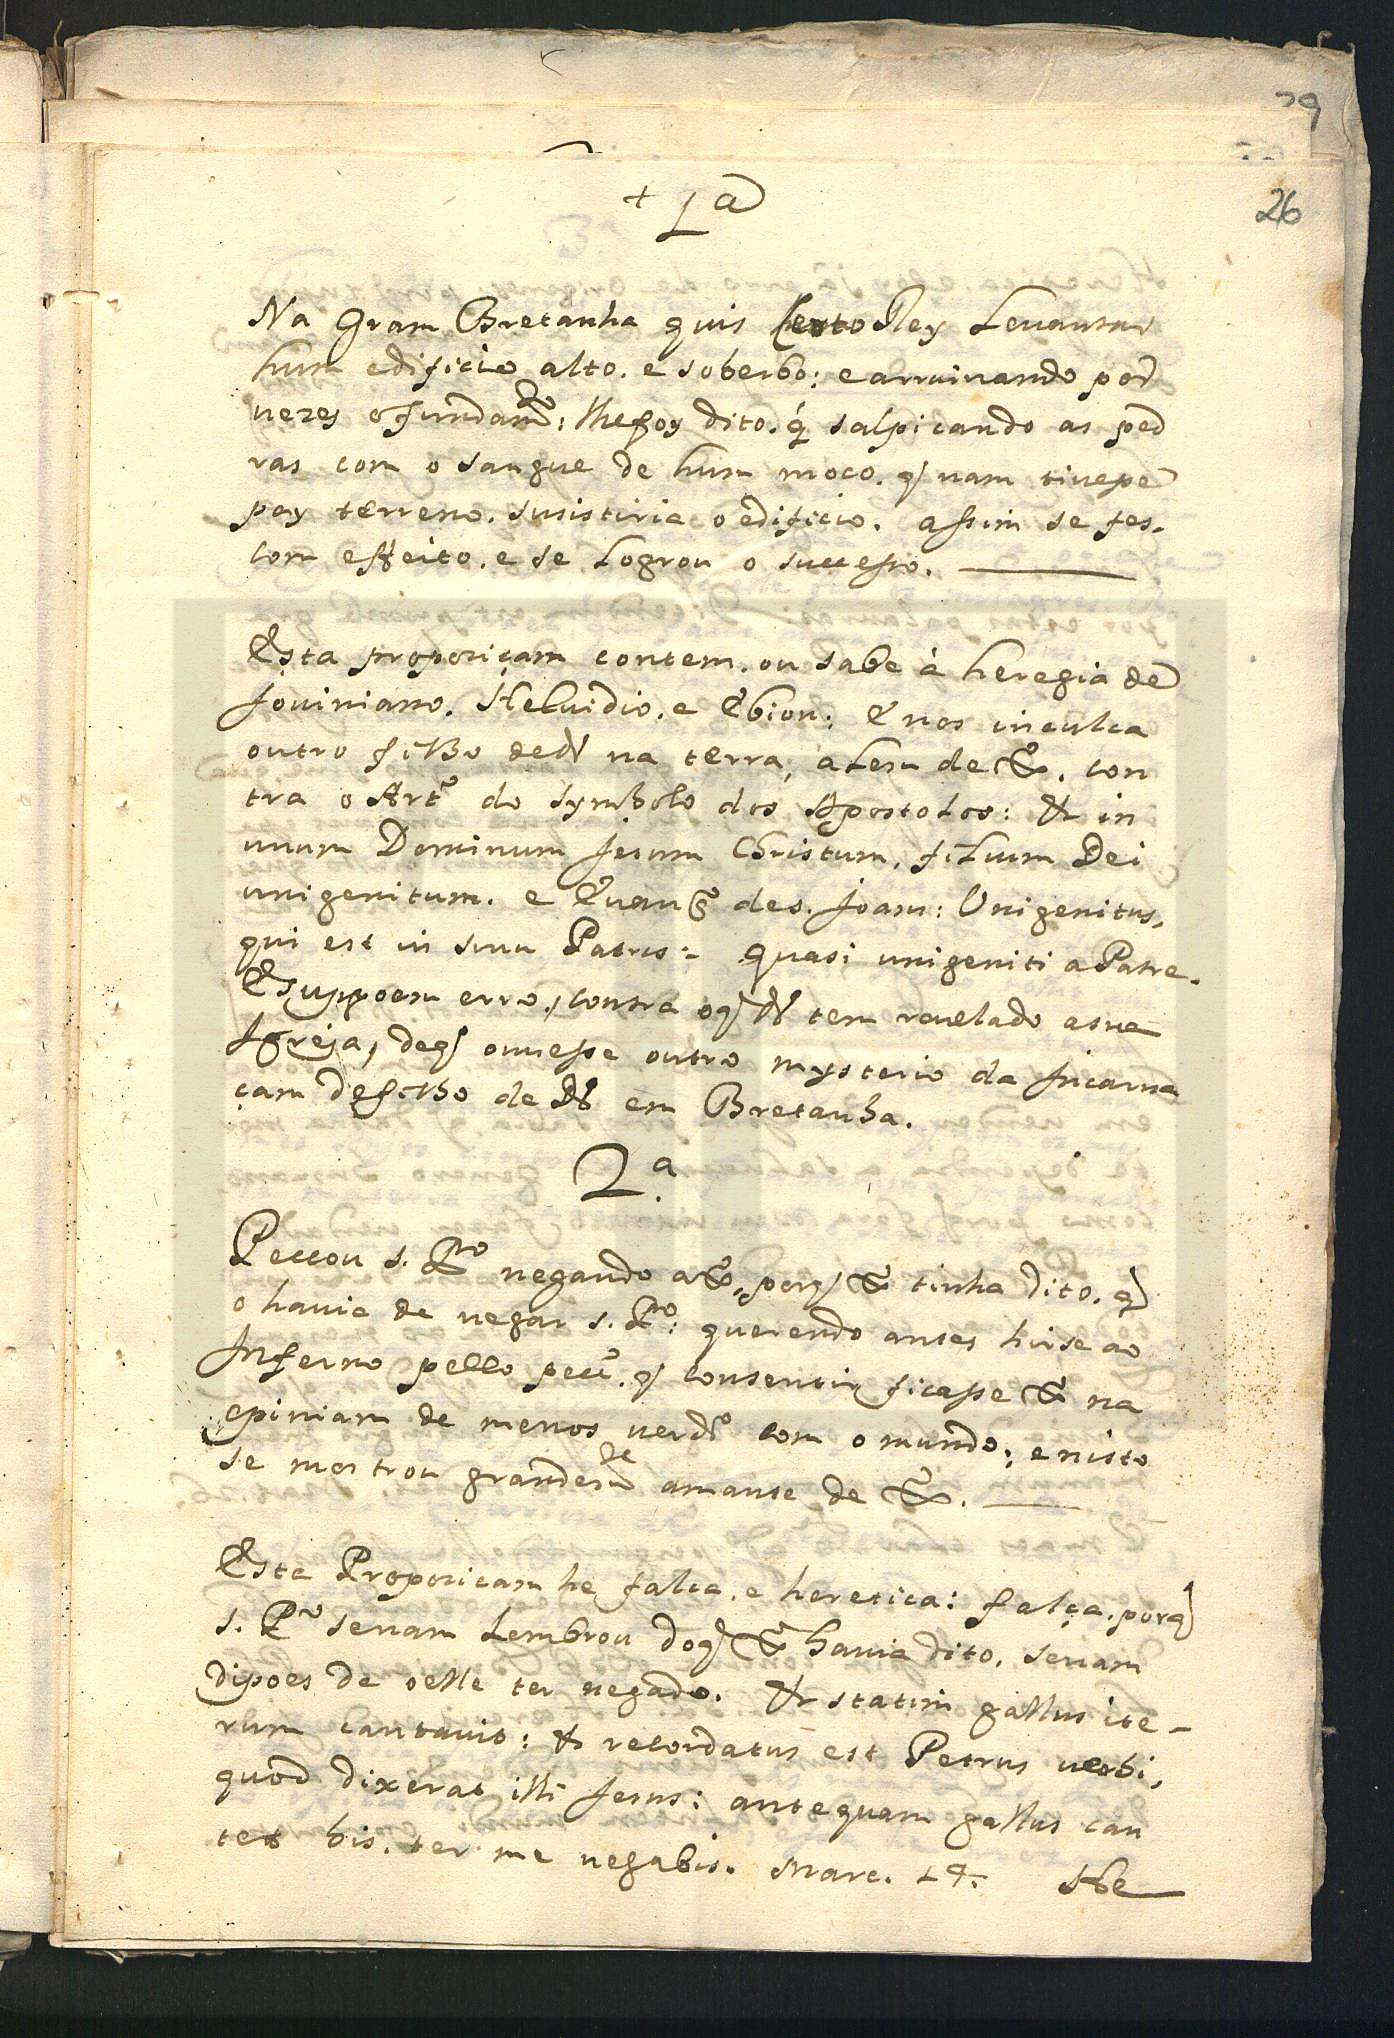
+ 1a
Na Gram Bretanha quis Certo Rey Leuantar
hum edificio alto. e soberbo: e arruinando por
uezes o fundamto; lhe foy dito q̄ salpicando as ped
ras com o sangue de hum moço. q̄ nam tiuesse
pay terreno. susistiria o edificio. assim se fes
com effeito, e se Logrou o successo.
Esta propoziçam contem. ou sabe à heregia de
Jouiniano. Heluidio, e Ebion; e nos inculca
outro filho de ds na terra, alem de Xo. con
tra o Arto do symbolo dos Apostolos: & in
imum Dominum Jesum Christum, fiLium Dei
unigenitum. e Euango de s. Joam: Vnigenitus,
qui este sina Patris = Quasi unigeniti a Patre
E suppoem erro, contra o q̄ Ds̄ tem reuelado a sua
Igreja, de q̄ ouuesse outro mysterio da Jncarna
çam de filho de Ds em Bretanha.
2.a
Peccou s. Po negando a xo, porq̄ & tinha dito. q̄
o hauia de negar s. Po: querendo antes hirse ao
Jnferno pello pecc̄ q̄ consentir ficasse & na
opiniam de menos uerdro com o mundo; e nisto
se mostrou grandemte amante de Xo.
Esta Propoziçam he falça, e heretica: falça; porq̄
s. Po senam Lembrou do q̄ xo hauia dito, senam
dipoes de o elle ter negado. & statim gallus ite
rum cantauit: & recordatus est Petrus uerbi,
quod dixerat illi Jesus: antequam gallus can
tet bis. ter me negabis. marc. 14. He
